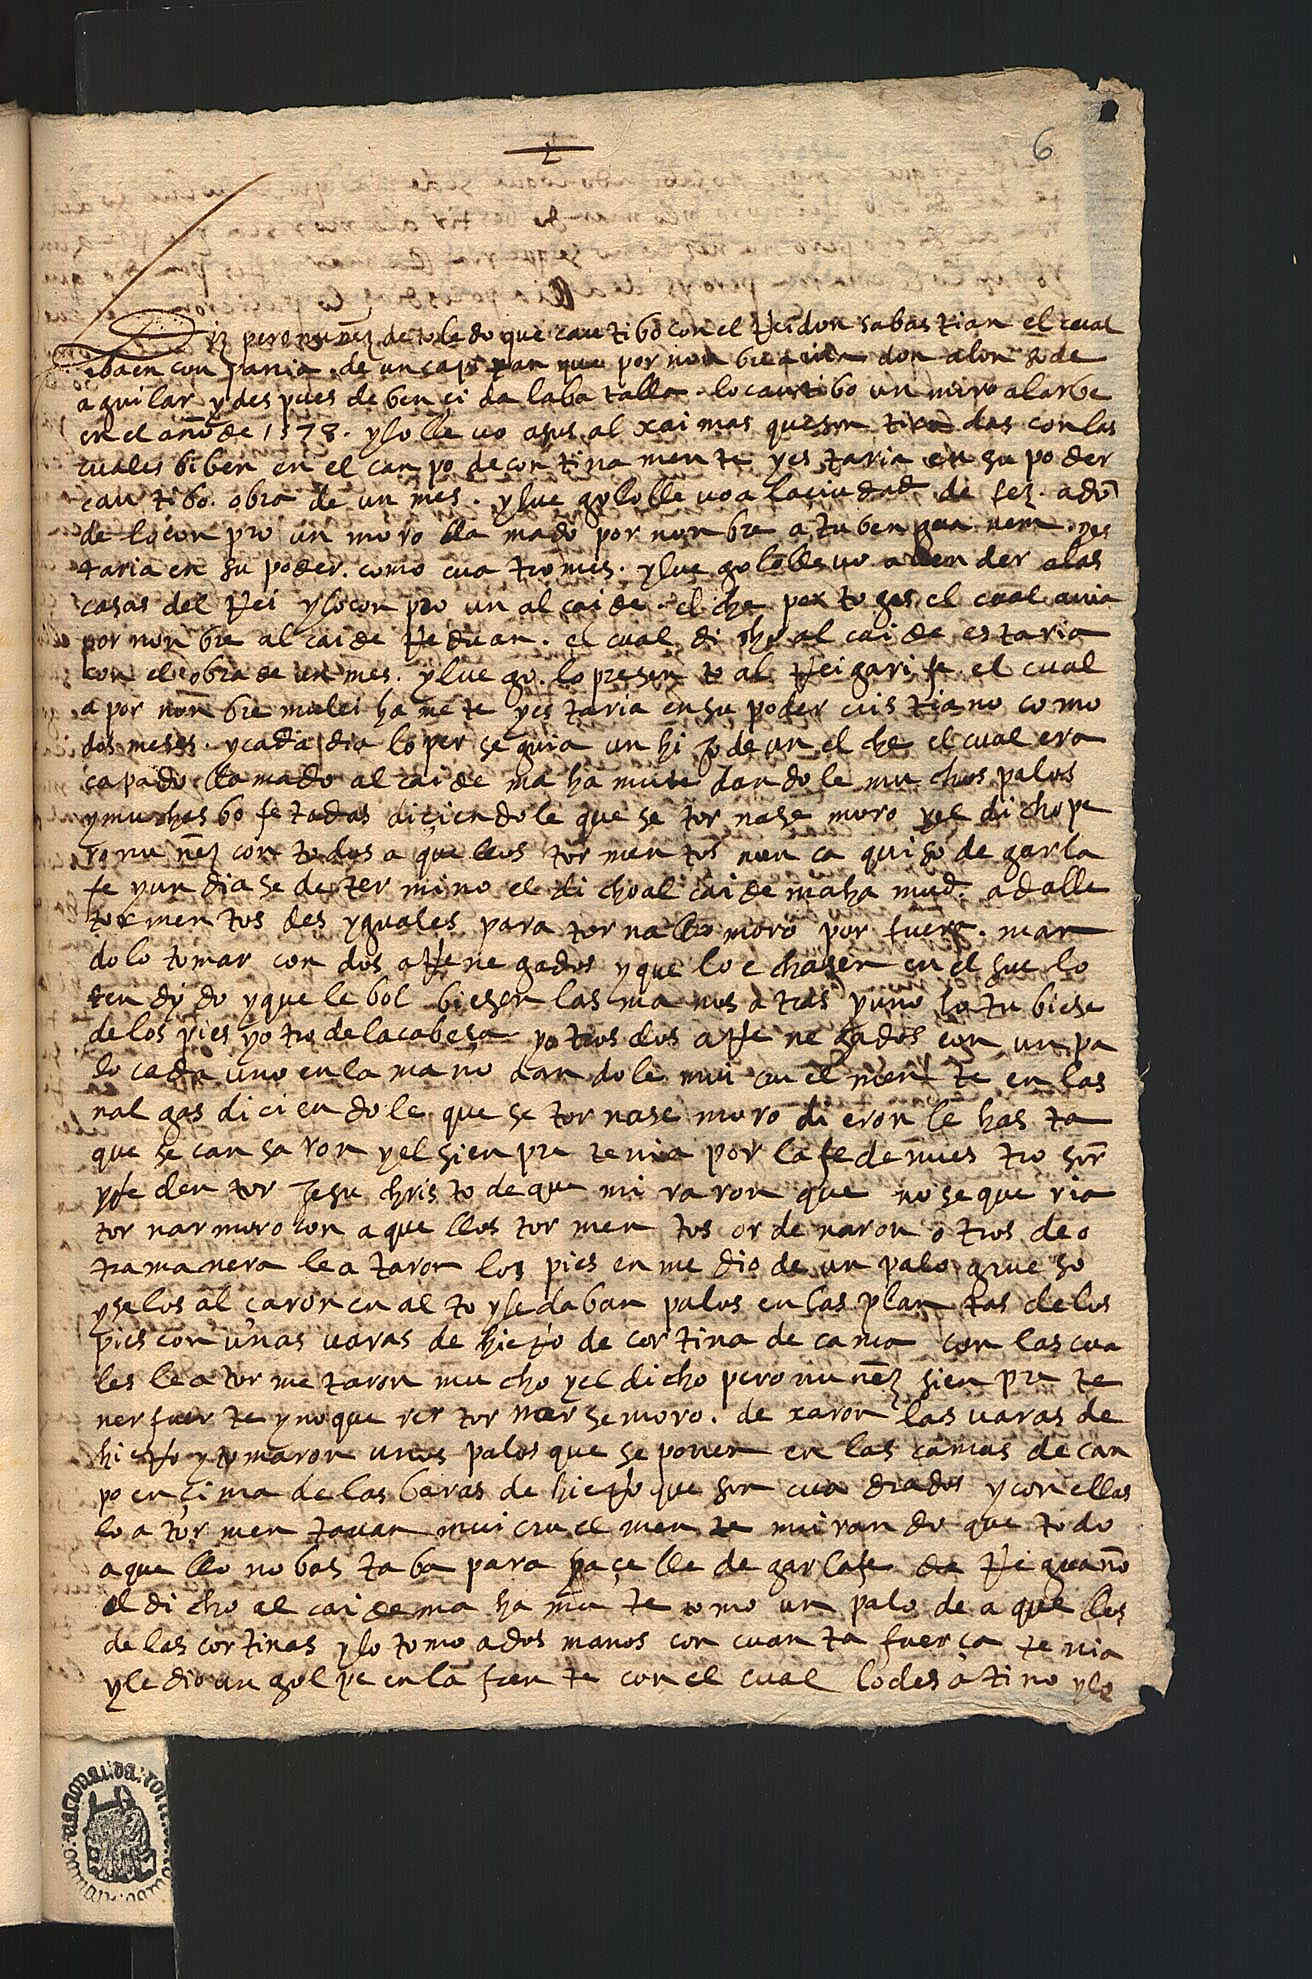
Diz pero nun̄ez de toledo que cautivo con el Rei don sabastian el cual
iba en compania de un capitan que por nombre auia don alonso de
aguilar y despues de vencida la batalla lo cautivo un moro alarve
en el an̄o de 1578. y lo lleuo a sus alxaimas que son tiradas con las
cuales biben en el canpo de continamente y estaria en su poder
cautivo obra de un mes. y luego lo lleuo a la ciudad de fez. adō
de lo conpro un moro llamado por nonbre atuven guanem y es
taria en su poder como cuatro mes y luego lo lleuo a uender a las
casas del Rei y lo conpro un alcaide elche portoges el coal auia
por nonbre alcaide Reduan. el cual dicho alcaide estaria
con el obra de un mes. y luego lo presento al Rei garife el cual
a por nonbre mulei hamete y estaria en su poder cristiano como
dos meses y cada dia lo perseguia un hijo de un elche el cual era
capado llamado alcaide mahamute dando le muchos palos
y muchas bofetadas diciendo le que se tornase moro y el dicho pe
ro nun̄ez con todos aquellos tormentos nunca quiso degar la
fe y un dia se determino el dicho alcaide mahamud a dalle
tormentos desyguales para tornallo moro por fuera. man
dolo tomar con dos aRenegados y que lo echasen en el suelo
tendydo y que le volbiesen las manos atras y uno lo tuviese
de los pies y otro de la cabeça y otros dos aRenegados con un pa
lo cada uno en la mano dandole mui cruelmente en las
nalgas diciendole que se tornase moro dieron le hasta
que se cansaron y el sienpre tenia por la fe de nuestro sor̄
y Redentor Jesu christo de que miraron que no se queria
tornar moro con aquellos tormentos ordenaron otros de o
tra manera le ataron los pies en medio de un palo grueso
y se los alçaron en alto y le daban palos en las plantas de los
pies con unas uaras de hieRo de cortina de cama con las cua
les le atormentaron mucho y el dicho pero nun̄ez sienpre te
ner fuerte y no querer tornar se moro dexaron las uaras de
hieRo y tomaron unos palos que se ponen en las camas de can
po en cima de las varas de hieRo que son cuadrados y con ellas
lo atormentauan mui cruelmente mirando que todo
aquello no bastaba para hacelle degar la fe de Reguan̄o
el dicho alcaide mahamute tomo un palo de aquellos
de las cortinas y lo tomo a dos manos con cuanta fuerça tenia
y le dio un golpe en la frente con el cual lo desatino y lo
